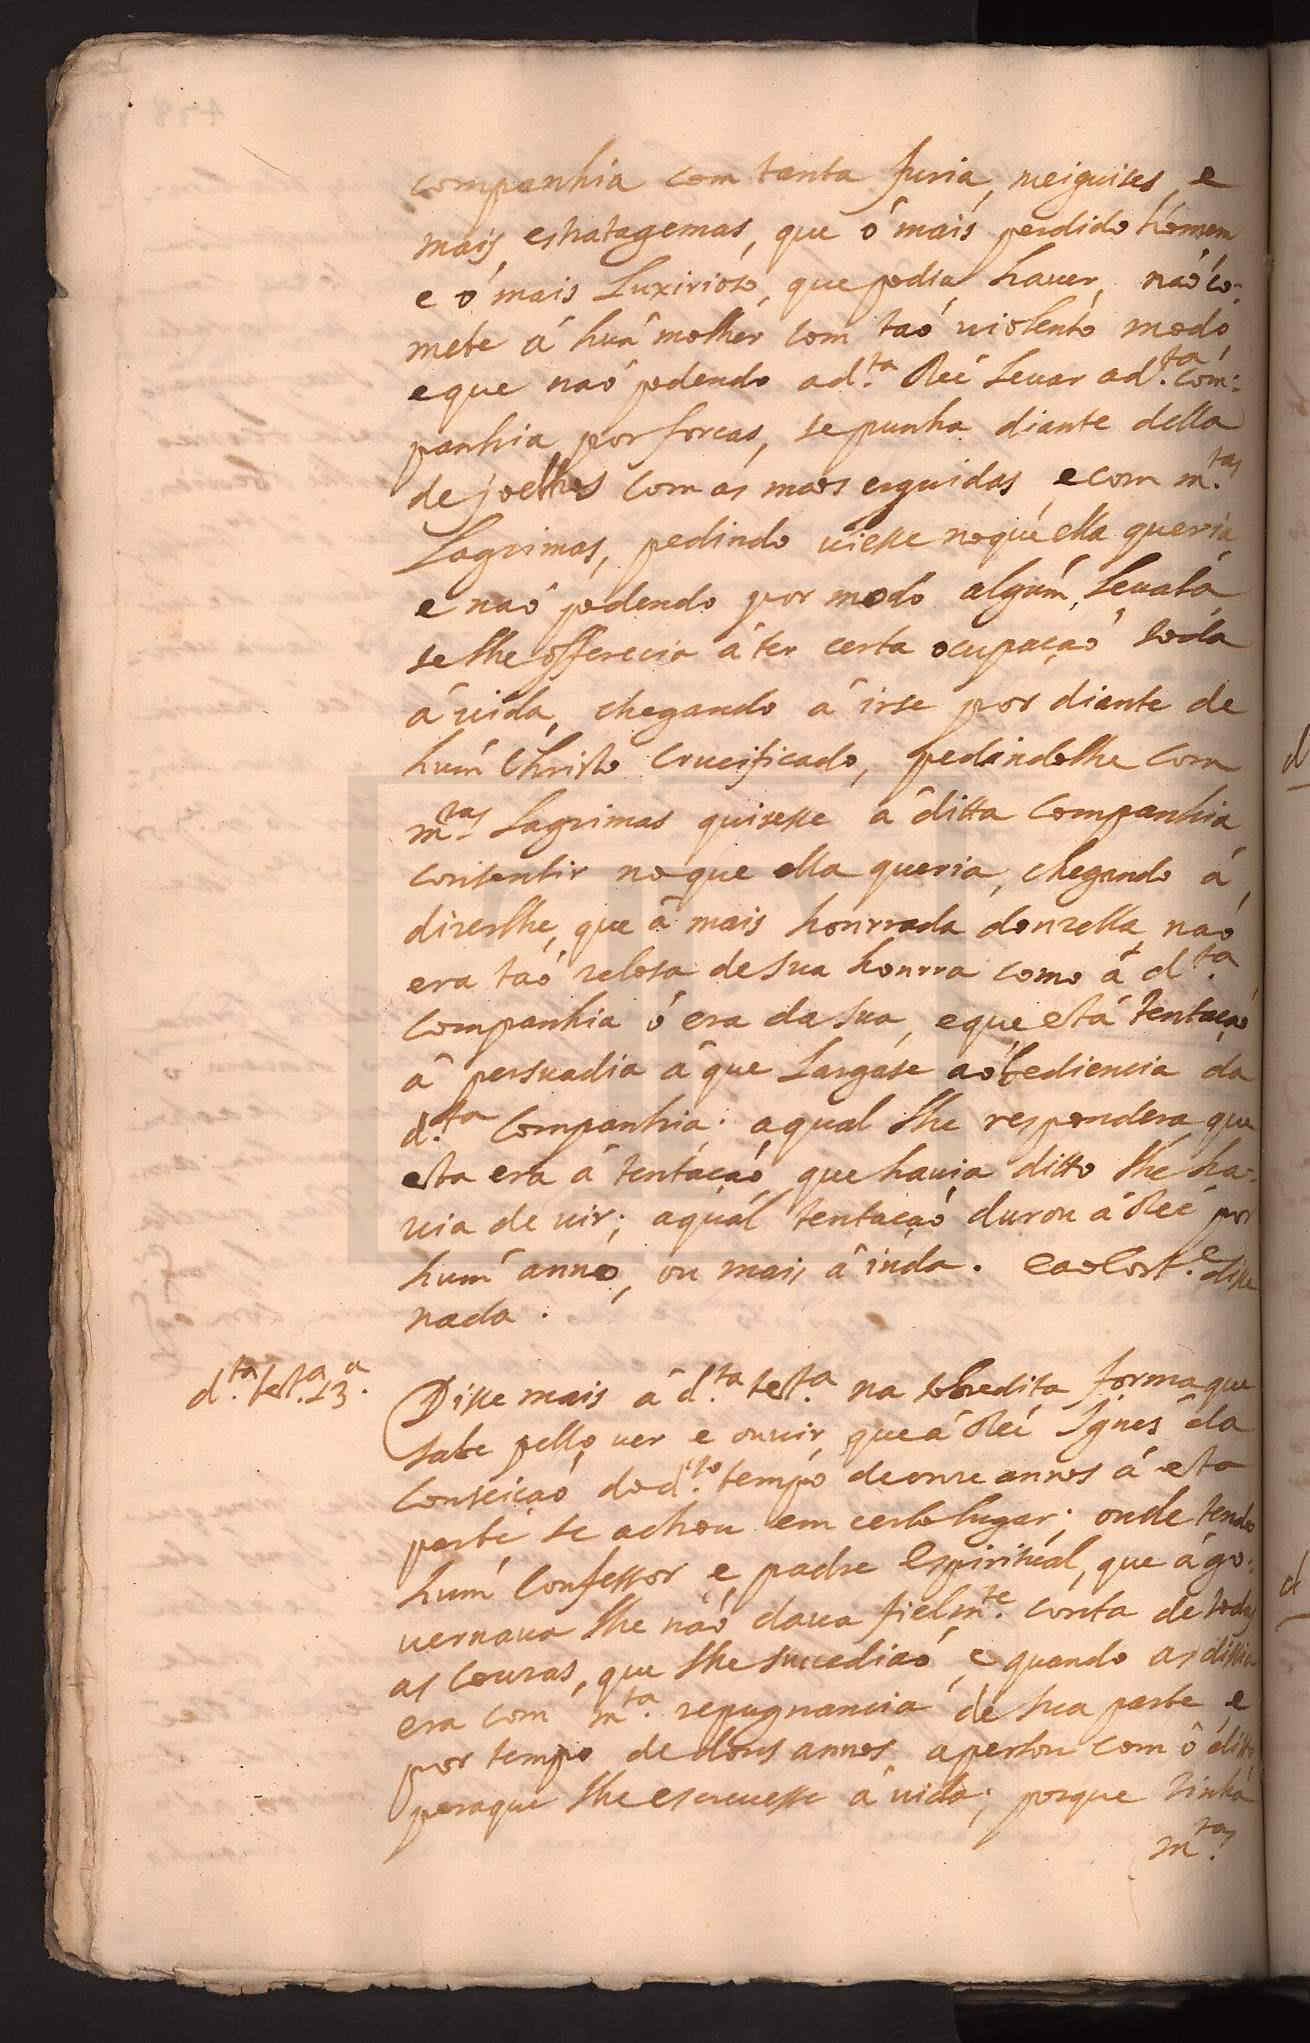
companhia com tanta furia, meiguices, e
mais, estratagemas, que ó mais perdido homem
e ó mais Luxirioso, que podia hauer, naõ co
mete á huā molher com taõ uiolento modo,
e que naõ podendo a d.ta Reé leuar a d.ta com
panhia por forças, se punha diante della
de joelhos com as maos erguidas, e com m.tas
Lagrimas, pedindo uiesse no que ella queria
e naõ podendo por modo algum, leuala,
se lhe offerecia á ter certa ocupaçaõ toda
á uida, chegando á irse por diante de
hum Christo crucificado, pedindolhe com
mtas Lagrimas quizesse a ditta Companhia
consentir no que ella queria, chegando á
dizerlhe, que á mais honrrada donzella naõ
era taõ zelosa de sua honrra como á dta
Companhia ó era da sua, e que está tentaçaõ
á persuadia á que Largase a obediencia da
d.ta Companhia; a qual lhe respondera que
esta era á tentaçaõ, que hauia ditto lhe ha
uia de uir, a qual tentaçaõ durou á Reé por
hum anno, ou mais áinda e ao Cost.e disse
nada.
Disse mais á d.ta test.a na sobredita forma que
d.ta test.a 13.a
sabe pello uer, e ouuir, que á Reé Ignes da
Conseiçaõ do d.to tempo de onze annos á esta
parte, se achou em certo lugar onde tendo
hum Confessor, e padre Espiritual, que á go
uernaua lhe naõ daua fielm.te conta de todas
as couzas, que lhe succediaõ, e quando as dissia
era com m.ta repugnancia de sua parte, e
por tempo de dous annos apertou com ô ditto
pera que lhe escreuesse á uida; porque tinha
mtas
